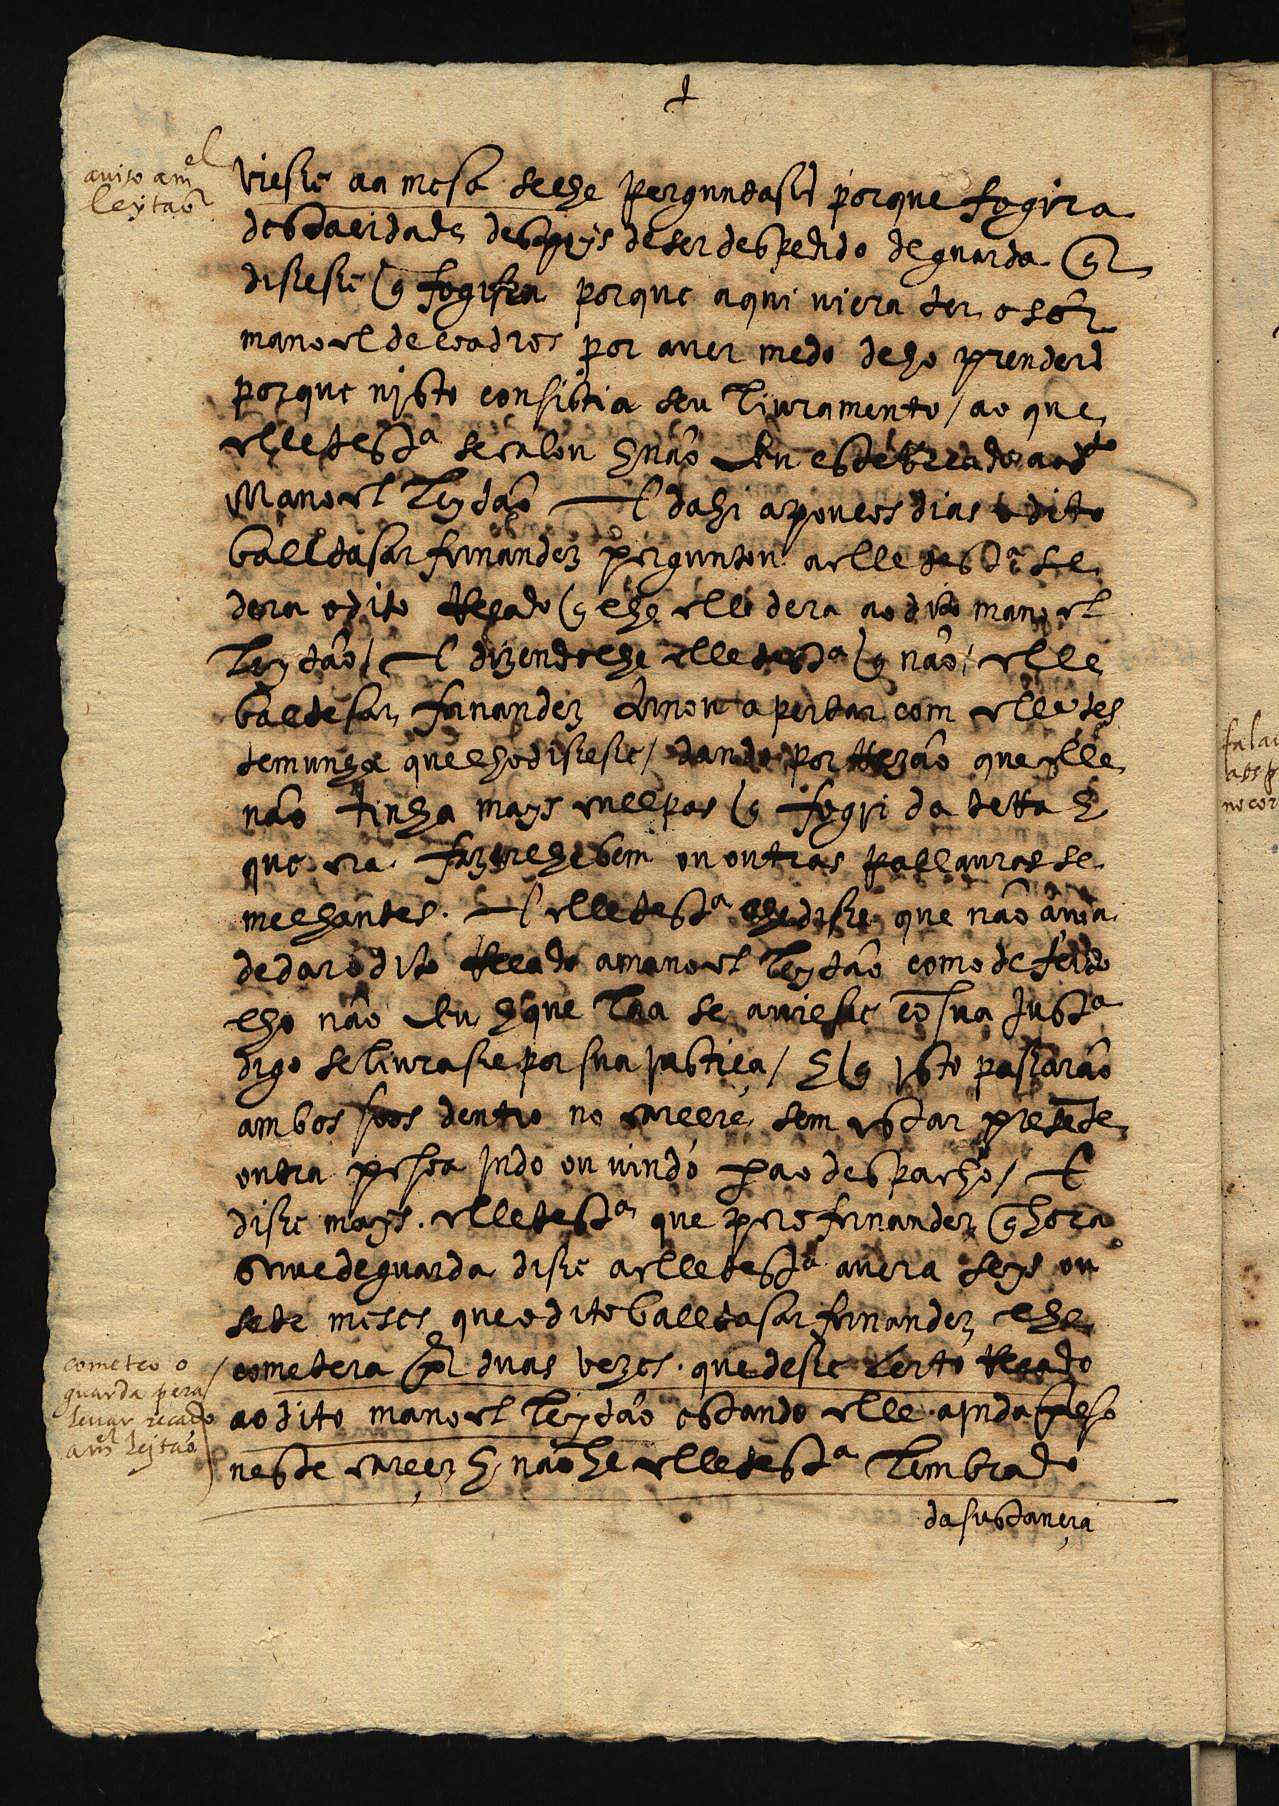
auiso a mel
leytaõ
viesse aa mesa se lhe perguntassē porque fogira
desta cidade despoys de ser despedido de guarda q̄
dissesse q̄ fogira porque aqui uiera ter o sōr
manoel de coadros por auer medo de ho prenderē
porque njsto consistia seu liuramento / ao que
elle testa se calou E não deu este Recado ao dto
Manoel Leytaõ E dahi a poucos dias o dito
balltasar fernandez perguntou a elle testa se
dera o dito Recado q̄ lhe elle dera ao dito manoeL
Leytão / E dizendolhe elle testa q̄ não elle
baltesar fernandez tornou apertar com elle tes
temunha que lho dissesse / dando por Rezaõ que elle
não tinha mays cullpas q̄ fogir da teRa E
que era fazerlhe bem ou outras pallauras se
melhantes. E elle testa lhe disse que não auia
de dar o dito Recado a manoel leytão como de feito
lho não deu E que laa se auiesse c̄o sua Justa
digo se liurasse por sua justiça / E q̄ isto passarão
ambos soos dentro no carcere sem estar presēte
outra pesoa jndo ouuindo ꝑa o despacho / E
disse mays elle testa que pero fernandez q̄ hora
serue de guarda disse a elle testa auera seys ou
sete meses que o dito balltasar fernandez lhe
cometeo o
guarda pera
leuar recado
a mel lejtaõ
cometera por duas vezes que desse certo Recado
ao dito manoel leytão estando elle ajnda preso
neste carcer E não he elle testa lembrado
da sustancia
